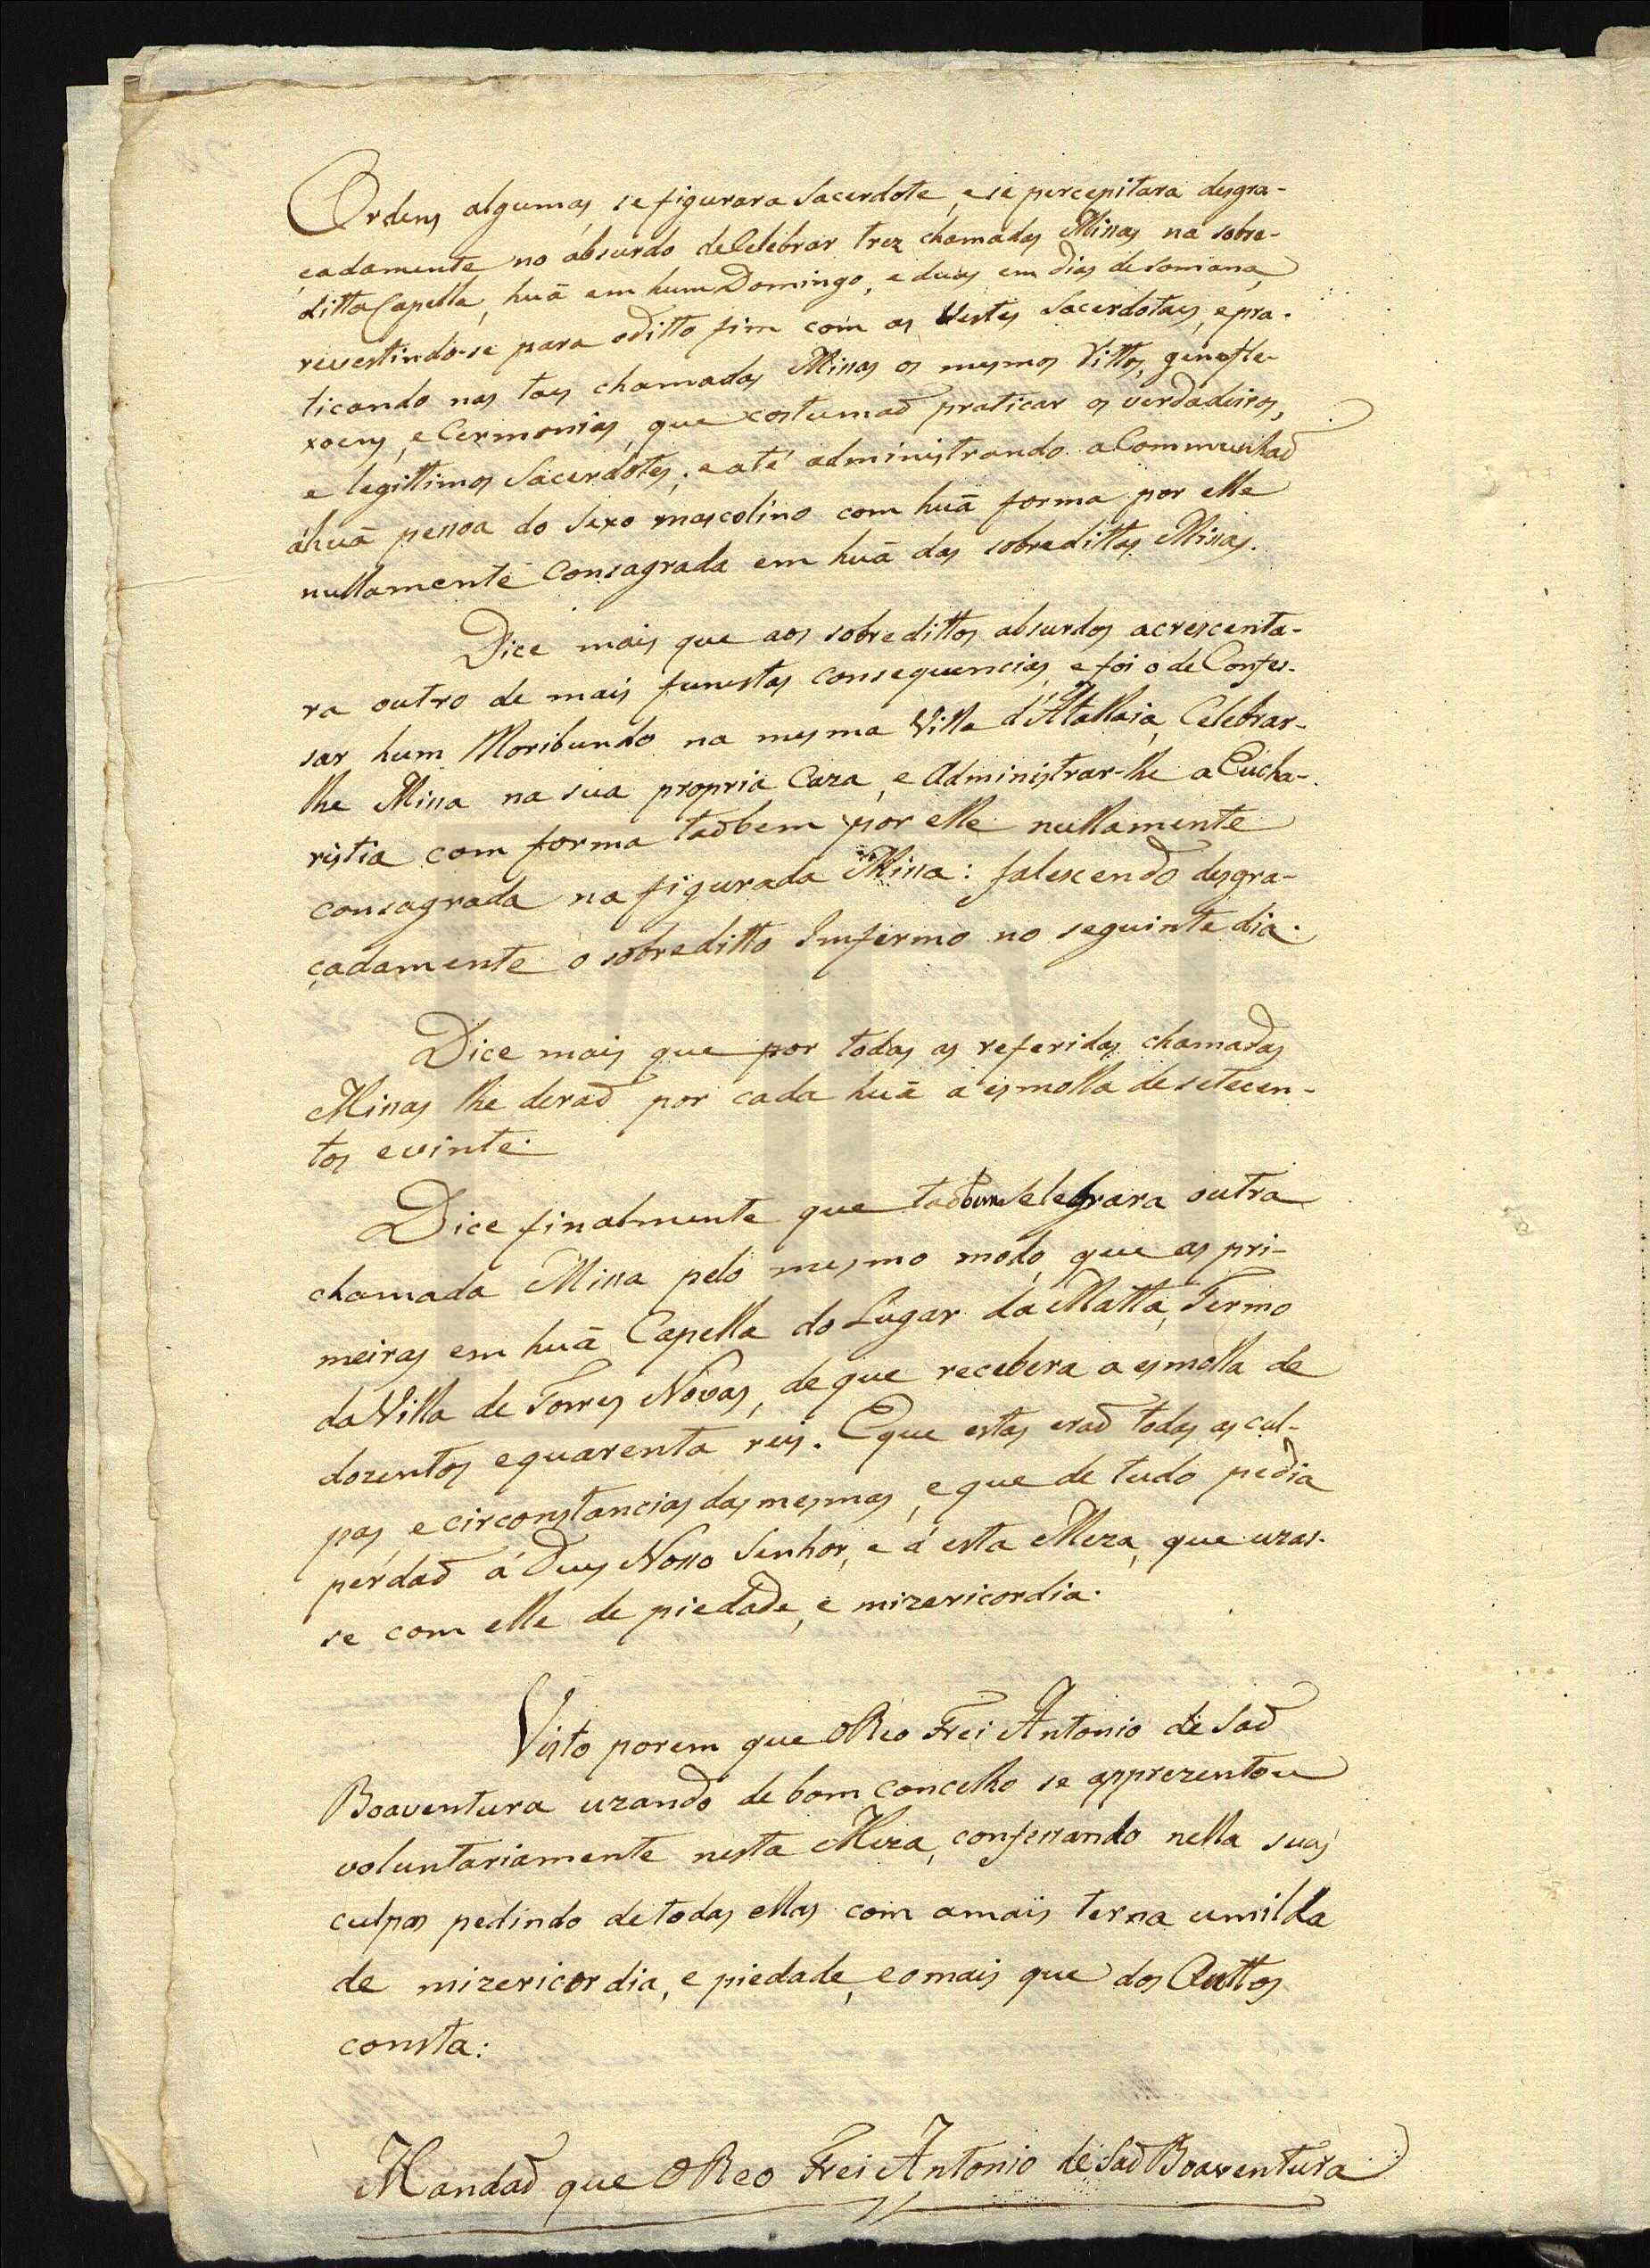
Ordens algumas se figurara sacerdote, e se percepitara desgra
çadamente no absurdo de Celebrar trez chamadas Missas na sobre
ditta Capella, huā em hum Domingo, e duas em dias de somana,
revestindo-se para o ditto fim com as Vestes Sacerdotaes, e pra
ticando nas taes chamadas Missas os mesmos Rittos, genofle
xoens, e Cermonias, que costumaõ praticar os verdadeiros,
e legittimos Sacerdotes; e até administrando a Communhaõ
á huā pessoa do sexo mascolino com huā forma por elle
nullamente consagrada em huā das sobredittas Missas.
Dice mais que aos sobredittos absurdos acrescenta
ra outro de mais funestas consequencias, e foi o de Confes
sar hum Moribundo na mesma Villa d'Atallaia, Celebrar
lhe Missa na sua propria caza, e Administrar-lhe a Eucha
ristia com forma taõbem por elle nullamente
consagrada na figurada Missa: falescendo desgra
çadamente o sobreditto Imfermo no seguinte dia.
Dice mais que por todas as referidas chamadas
Missas lhe deraõ por cada huā a esmolla de setecen
tos e vinte.
Dice finalmente que taõbem selebrara outra
chamada Missa pelo mesmo modo, que as pri
meiras em huā Capella do Lugar da Matta, Termo
da Villa de Torres Novas, de que recebera a esmolla de
dozentos e quarenta reis. E que estas eraõ todas as cul
pas e circonstancias das mesmas, e que de tudo pedia
perdaõ á Deus Nosso Senhor, e á esta Meza, que uzas
se com elle de piedade, e mizericordia.
Visto porem que o Reo Frei Antonio de Saõ
Boaventura uzando de bom concelho se apprezentou
voluntariamente nesta Meza, confessando nella suas
culpas pedindo de todas ellas com a mais terna umilda
de mizericordia, e piedade, e o mais que dos Auttos
consta:
Mandaõ que o Reo Frei Antonio de Saõ Boaventura
